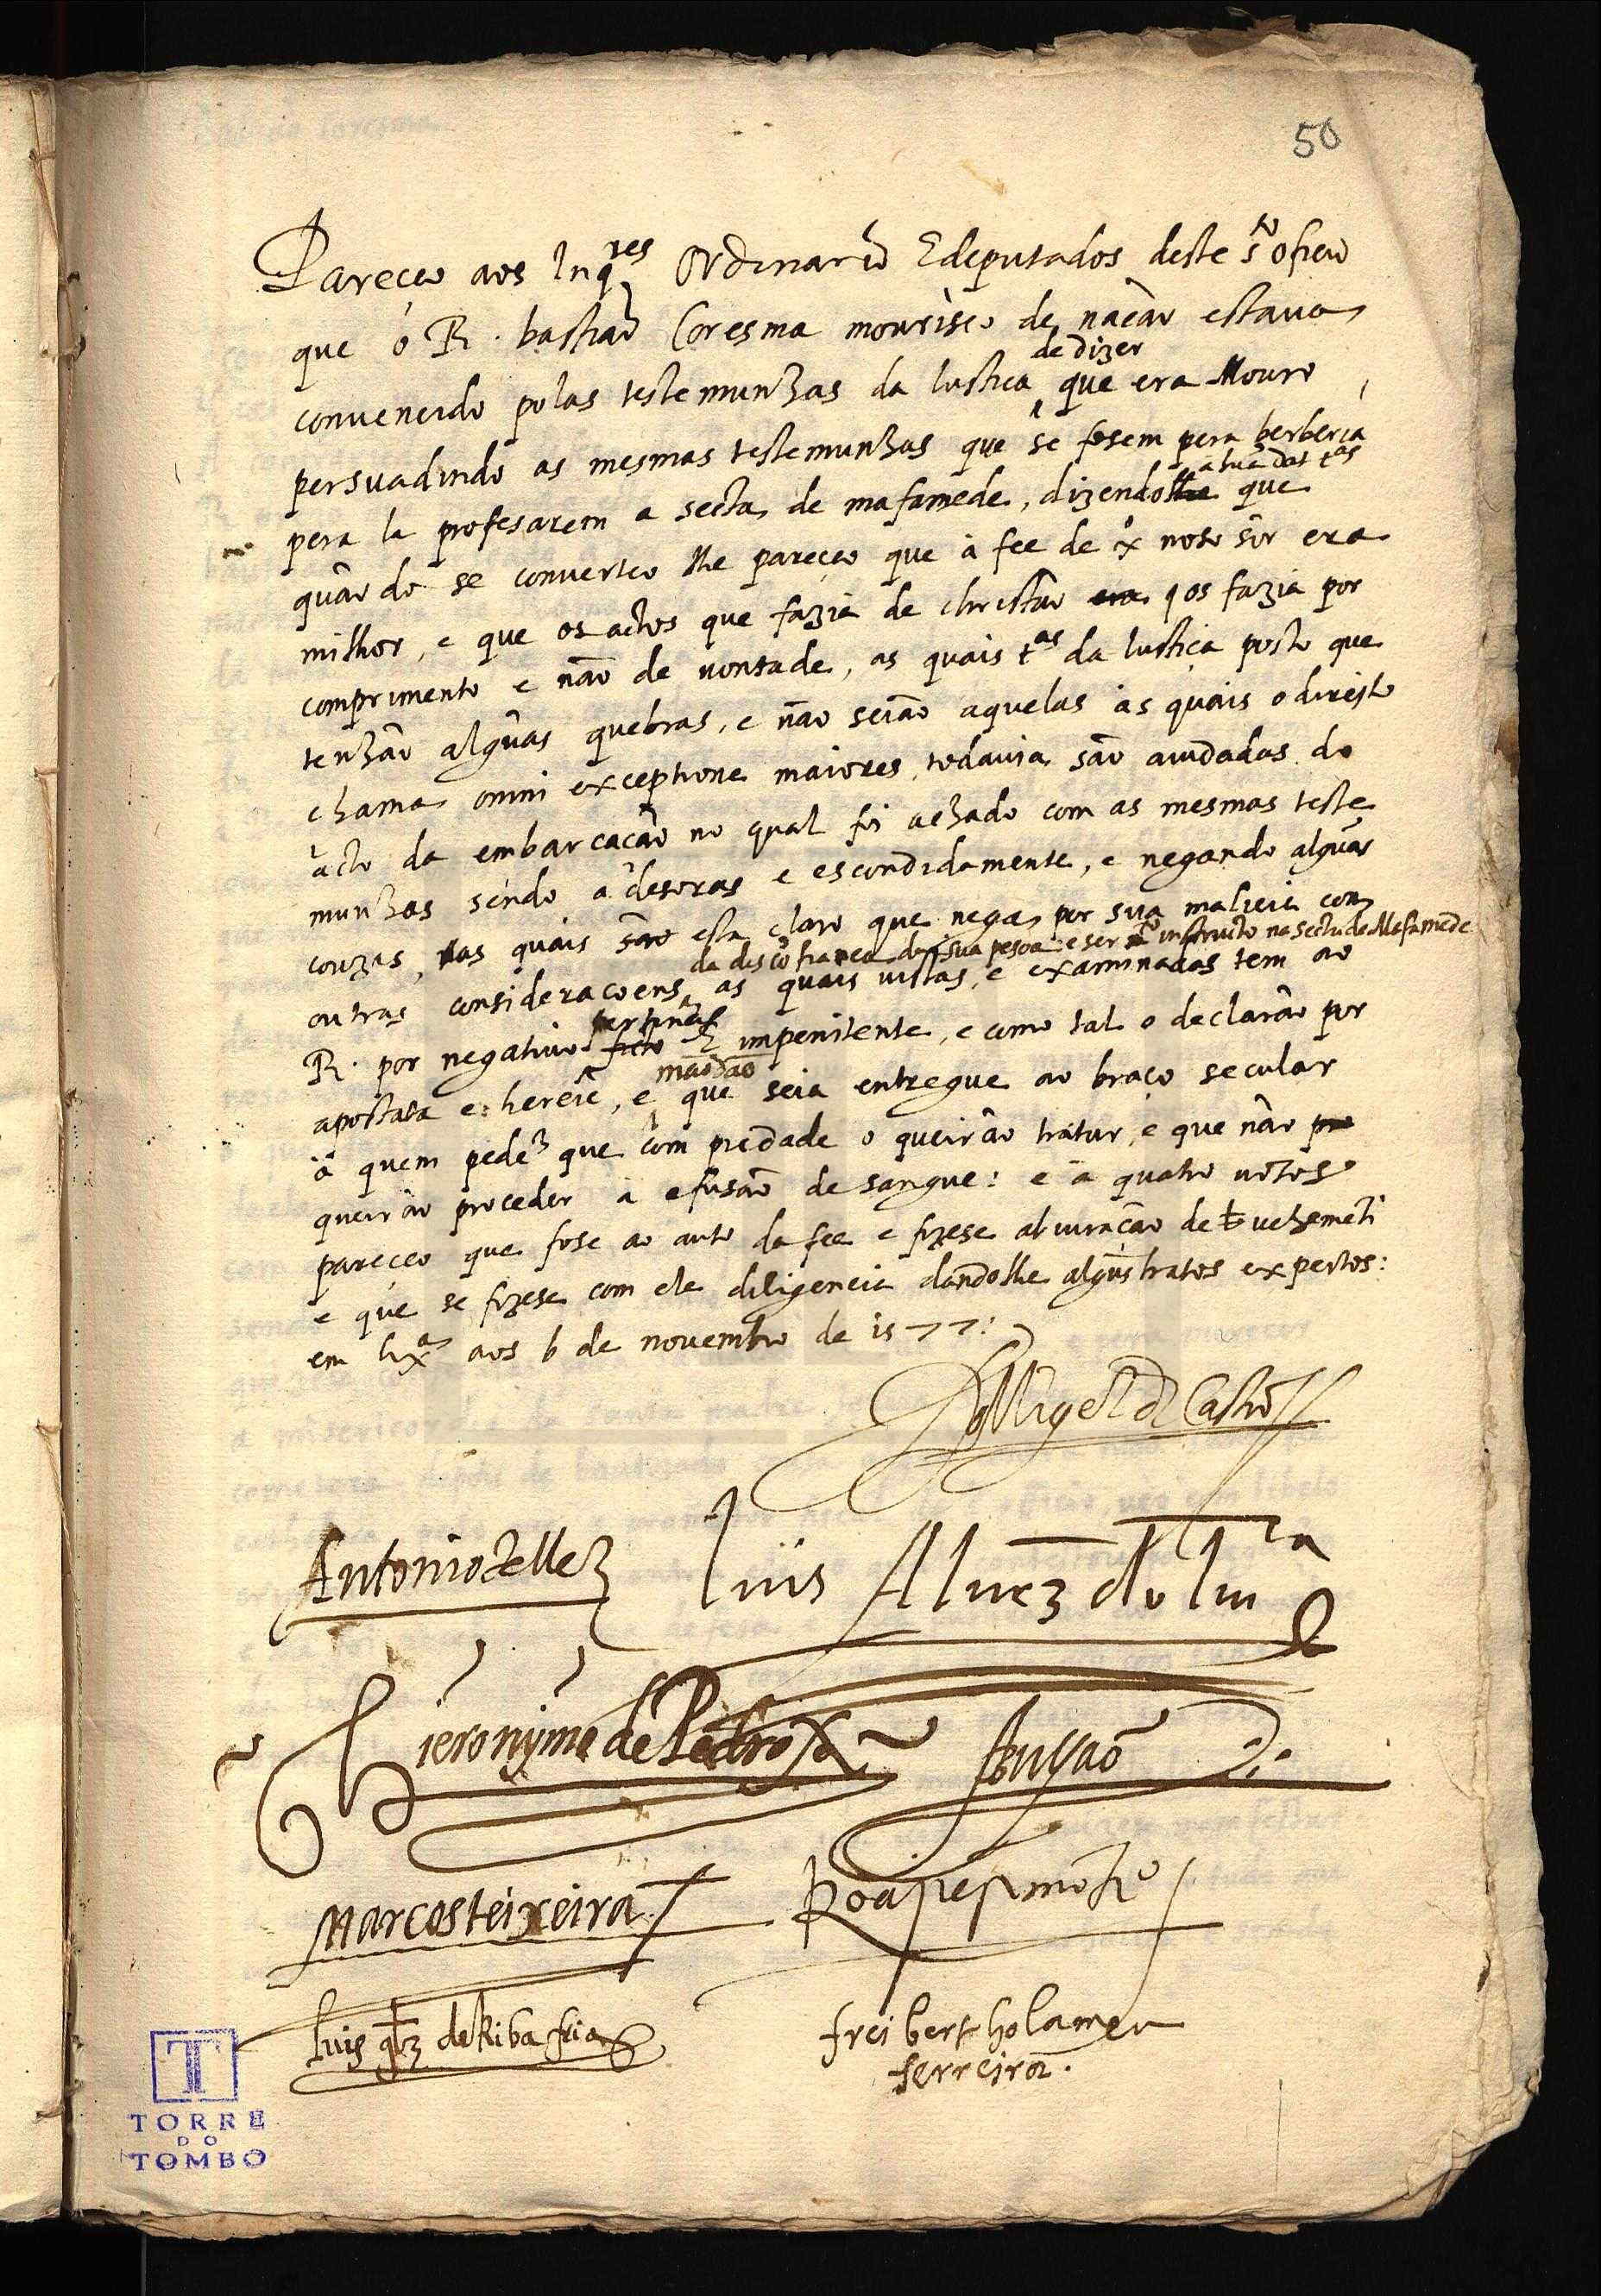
Pareçeo aos Inqres Ordinario E deputados deste sto oficio
que o R. bastiaõ Coresma mourisco de nacão estaua
conuencido polas testemunhas da Iustica
de dizer
que era Mouro
persuadindo as mesmas testemunhas que se fosem pera berberia
pera la profesarem a secta de mafamede, dizendolhe
a huā das tas
que
quãodo se conuerteo lhe pareçeo que à fee de xo noso sōr era
milhor, e que os actos que fazia de christão _ q os fazia por
comprimento e não de uontade, as quais tas da Iustiça posto que
tenhão algūas quebras, e não seião aquelas as quais o direjto
chama omni exceptione maiores, todauia são aiudadas do
acto da embarcação no qual foi achado com as mesmas teste
munhas sendo a desoras e escondidamente, e negando alguās
couzas, nas quais são esta claro que nega, por sua malicia com
outras consideracoens
da discōfianca da sua pesoa e ser mto instructo na secta de Mafamede
as quais uistas, e examinadas tem ao
R. por negatiuo
pertinas
ficto E impenitente, e como tal o declarão por
apostata e hereie, e
maõdão
que seia entregue ao braço secular
a quem pede que com piedade o queirão tratar, e que não _
queirão proceder a efusão de sangue: e a quatro uotos
pareçeo que fose ao auto da fee e fizese abiuração de _ uehemēti
e que se fizese com ele deligencia dandolhe algūs tratos expertos:
em lixa aos 6 de nouembro de i577.
